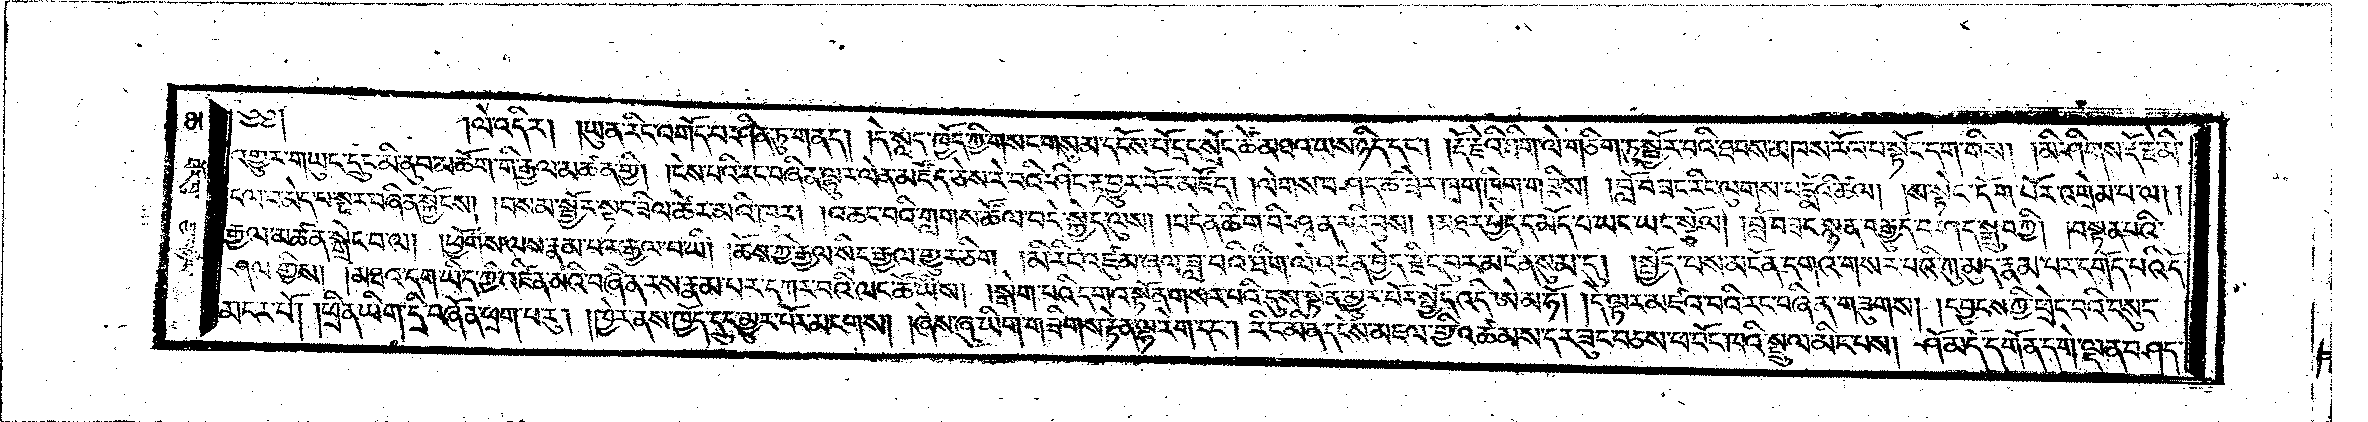༄༅། །ལེ་འདིར། །ཡུན་རིང་འགོད་པ་ཤིན་ཏུ་གནད། །དེ་སླད་ཁྱོད་ཀྱི་གསང་གསུམ་དངོས་པོ་དྲང་སྲོང་ཚེ་མཐའ་ཡས་ཉིད་དང་། །རྡོ་རྗེའི་ཐིག་ལེ་གཅིག་ཏུ་སྦྱོར་བའི་ཐབས་མཁས་རོལ་པ་སྟོང་དག་གིས། །མི་ཤིགས་རྡོ་རྗེ་མི་
འགྱུར་གཡུང་དྲུང་མི་ནུབ་མཆོག་གི་རྒྱལ་མཚན་གྱི། །ངེས་པའི་རང་བཞིན་ལྷུར་ལེན་མཛོད་ཅེས་རེ་བའི་ཤིང་རྟ་བྱུར་བོར་མཛོད། །ལེགས་བཤད་ཚ་ཟེར་ཁྲག་ཁྲིག་གཟིས། །བློ་བཟང་རིང་ལུགས་པདམོའི་ཚིལ། །ས་སྟེང་དོག་པོར་འགྲེམ་པ་ལ། །
བལ་བ་མེད་པ་སྔར་བཞིན་སྐྱོངས། །བསམ་སྦྱོར་སྟང་ཟིལ་ཚེར་མའི་ཁུར། །འཆང་བའི་གླགས་ཚོལ་བདེ་སྐྱེད་ལུས། །བདེན་ཚིག་བི་ཤྭ་ན་རའི་བུས། །མཐར་བྱེད་དམོད་པ་ཡང་ཡང་སྩོལ། །བློ་བཟང་སྙན་བརྒྱུད་བགད་སྒྲུབ་ཀྱི། །བསྟན་པའི་
རྒྱལ་མཚན་སྒྲེང་བ་ལ། །ཕྱོགས་ལས་རྣམ་པར་རྒྱལ་བ་ཡི། །ཆོས་ཀྱི་རྒྱལ་སྲིད་རྒྱལ་གྱུར་ཅིག །མི་རིང་འཛུམ་ཞལ་ཟླ་བའི་ཐིག་ལེ་འདྲེན་བྱེད་རྫིང་བུར་མངོན་སུམ་དུ། །སྤྱོད་པས་མངོན་དགའ་གསར་པའི་ཀུ་མུད་རྣམ་པར་དགོད་པའི་དོ་
ཤལ་གྱིས། །མཐའ་དག་ཡིད་ཀྱི་འཛིན་མའི་བཞིན་རས་རྣམ་པར་དཀར་བའི་ལང་ཚོ་ཡིས། །སྒེག་པའི་དགའ་སྟོན་གསར་པའི་དུས་སྟོན་མྱུར་པོར་སྤྱོད་འདི་ཨེ་མ་ཧོ། །དེ་ལྟར་མཛའ་བའི་རང་བཞིན་གཟུགས། །དབྱངས་ཀྱི་ཕྲེང་བའི་བསུང་
མངར་པོ། །ཕྲིན་ཡིག་དྲི་བཞོན་ཕྲག་པ་རུ། །ཁྱེར་ནས་ཁྱོད་དྲུང་མྱུར་པོར་མངགས། །ཞེས་ཞུ་ཡིག་གཟིགས་རྟེན་ལྷ་རེག་དང་། །རིང་མིན་དངོས་མཇལ་གྱི་འཚམས་དར་ཟུང་བཅས་ཕ་བོང་ཁའི་སྤྲུལ་མིང་པས། ཤོ་མདོ་དགོན་དགེ་ལྡན་བཤད་